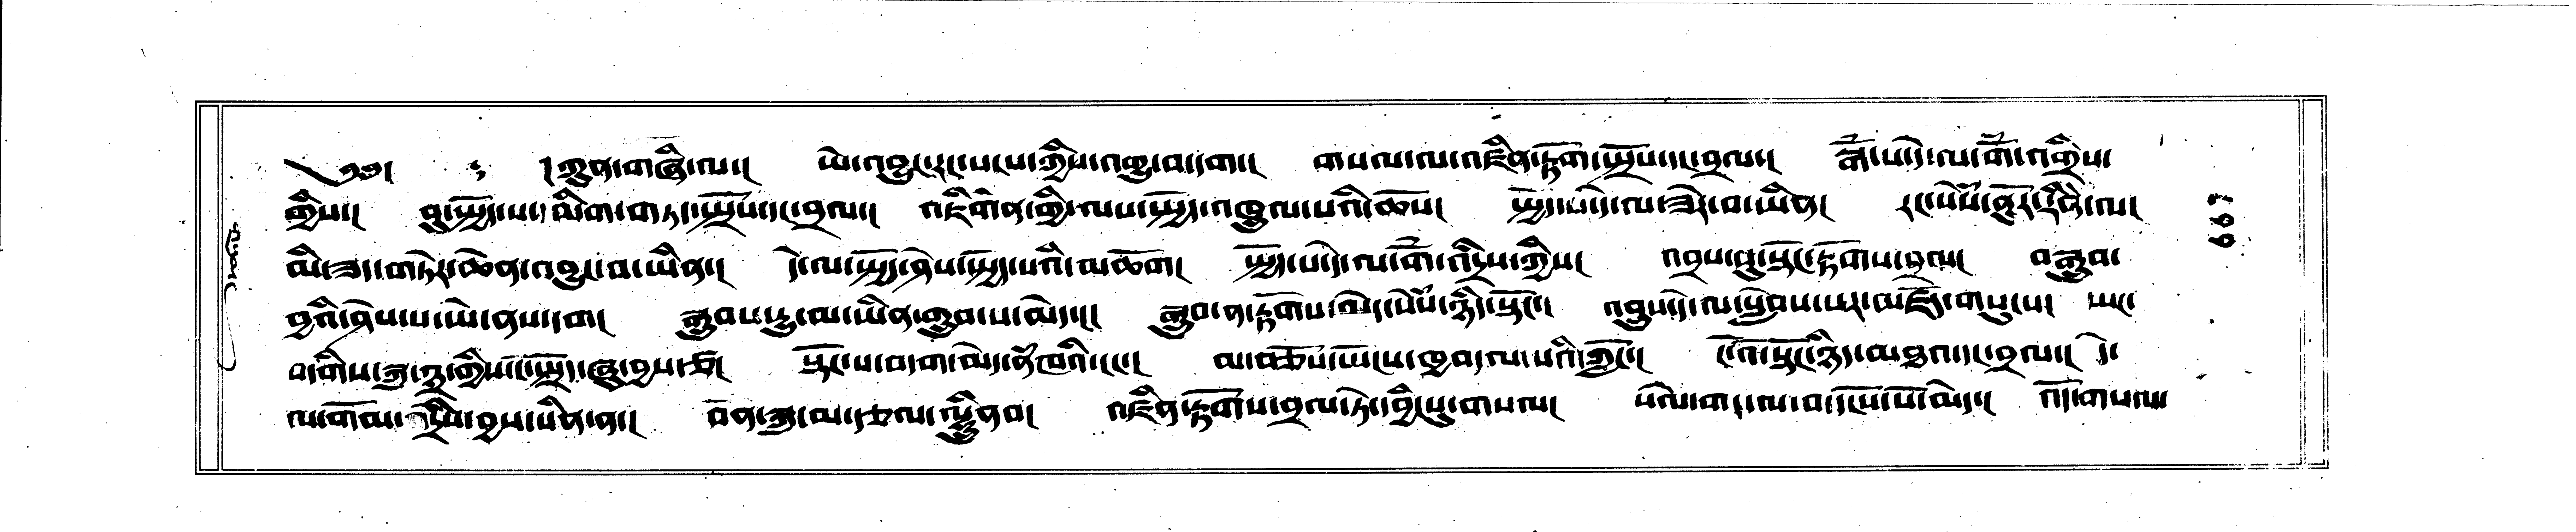ཀུན་གཞི་ལ། ཡེ་འབྱུང་རང་སར་གྱི་འགྱུ་བ་དག གསལ་ལ་རྟོག་མེད་སྤྲོས་དང་བྲལ། སྒོམ་པ་དེ་ལ་གོམ་འདྲིས་
གྱིས། བུ་སྤྱོད་པ་དམིགས་གཏད་སྤྲོས་དང་བྲལ། འཇིག་རྟེན་གྱིས་ལས་སྤྱོད་འཁྲུལ་བའི་ཆོས། སྤྱོད་པ་དེ་ལ་ཟེར་བ་ཡིན། རང་སེམས་ནོར་བུ་རིན་ཆེན་ལ། 
མི་བཟད་གཏེར་ཆེན་འབྱུང་བ་ཡིན། དེ་ལ་སྤྱོད་ཤེས་སྤྱོད་པའི་མཆོག སྤྱོད་པ་དེ་ལ་གོམ་འདྲིས་གྱིས། འབྲས་བུ་ས་ལ་སྟོང་རྟོག་བྲལ། བསྒྲུབ་
བྱའི་ཤེས་པ་ཡེ་ན་༼ནས༽དག སྒྲུབ་རྒྱུ་མ་ཡིན་གྲུབ་པ་མེན། སྒྲུབ་ནས་རྟོག་མེད་སེམས་ཉིད་སྟོང་། འབྲས་བུ་དེ་ལ་སླེབ་པར་གསུངས། ཡང་
བདག་གིས་སྐུ་གསུམ་གྱིས་ངོ་སྤྲོད་ཞུ་བྱས་ཙ། སྟོང་ལ་བདག་མེད་ནམ་མཁའི་ངང་། མ་བཅོས་ཡོང་ཁྱབ་བདལ་པའི་ཀློང་། ངོའོ་སྟོང་ཉིད་མཐའ་དང་བྲལ། དེ་
ལ་གོམ་འདྲིས་བྱས་སིན་ན། བོན་སྐུ་མ་བརྩལ་ལྷུན་གྱིས་གྲུབ། འཛིན་རྟོག་བྲལ་ཏེ་དབྱིངས་སུ་གསལ། སལེ་གསལ་ལ་རྔོས་(དངོས)་པོ་མེད། འོད་གསལ་